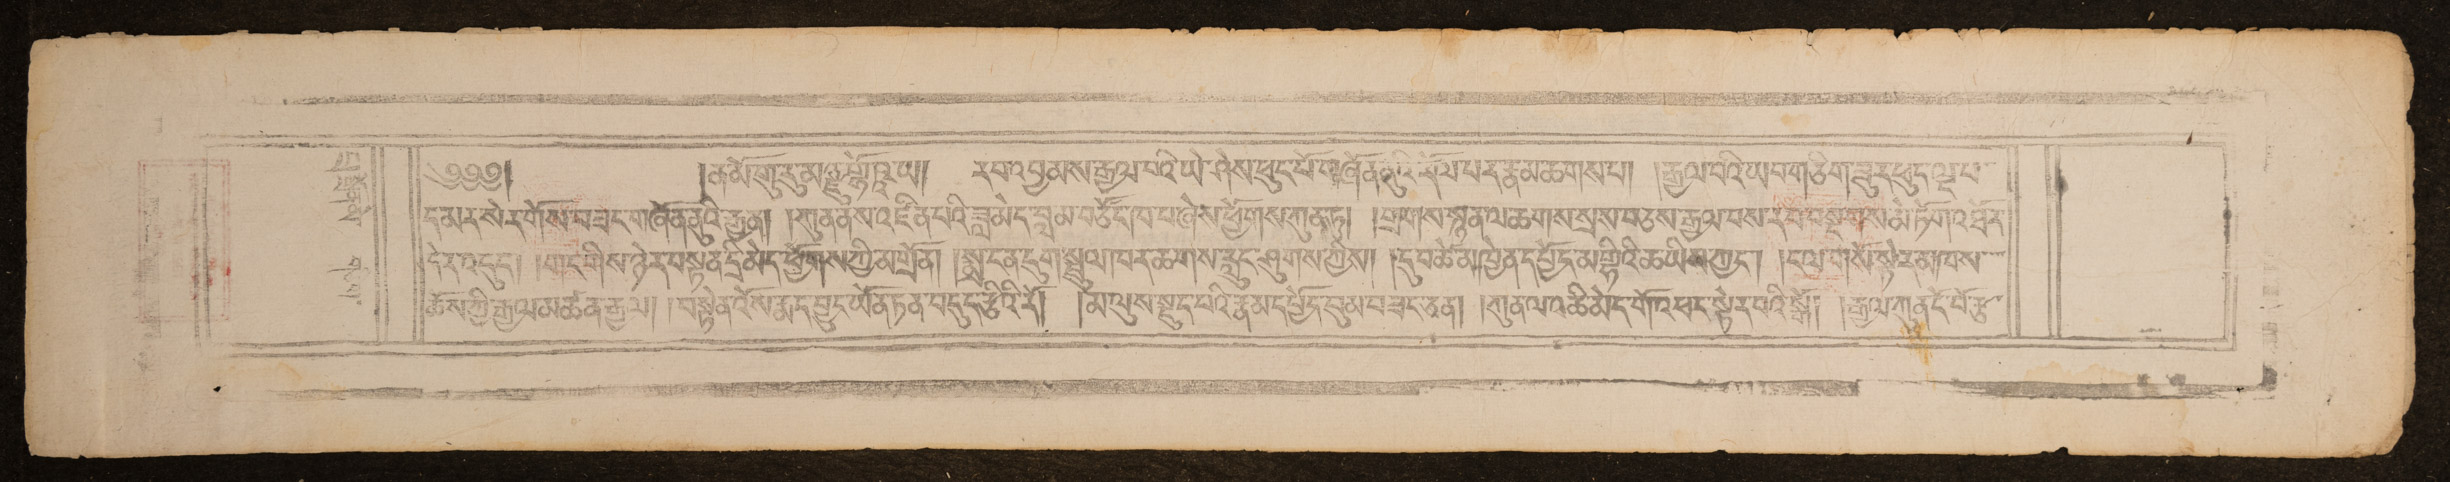༄༅༅། །ན་མོ་གུ་རུ་མཉྫུ་གྷོ་ཥཱ་ཡ། རབ་འབྱམས་རྒྱལ་བའི་ཡེ་ཤེས་ཕུང་པོ་གཞོན་ནུའི་རོལ་པར་རྣམ་ཆགས་པ། །རྒྱལ་བའི་ཡབ་གཅིག་ཟུར་ཕུད་ལྔ་པ་
དམར་སེར་གོས་བཟང་གཞོན་ནུའི་རྒྱན། །ཀུན་ནས་འཛིན་པའི་ཟླ་མེད་བླ་མ་བཙོང་ཁ་པ་ཞེས་ཕྱོགས་ཀུན་ཏུ། །གྲགས་སྙན་ལ་ཆགས་སྲས་བཅས་རྒྱལ་བས་རབ་བསྔགས་མེ་ཏོག་འཐོར་
དེར་འདུད། །གང་གིས་ཉེར་བསྟན་དྲི་མེད་ཕྱོགས་ཀྱི་མགྲོན། །སྨྲ་ངན་དུག་སྦྲུལ་ཁར་ཆགས་རླུང་ཤུགས་ཀྱིས། །དུབ་ཚེ་མཁྱེན་དཔྱོད་མགྷིའི་ཚ་ཡིས་ཀྱང་། །ངལ་གསོ་སྟེར་མཁས་
ཆོས་ཀྱི་རྒྱལ་མཚན་རྒྱལ། །བསྟེན་འོས་རྨད་བྱུང་ཡོན་ཏན་བདུད་རྩིའི་རོ། །མ་ལུས་སྡུད་པའི་རྣམ་དཔྱོད་བུམ་བཟང་ཅན། །ཀུན་ལ་འཆི་མེད་གོ་འཕང་སྟེར་བའི་སྒོ། །རྒྱལ་ཀུན་ངོ་བོ་རྩ་